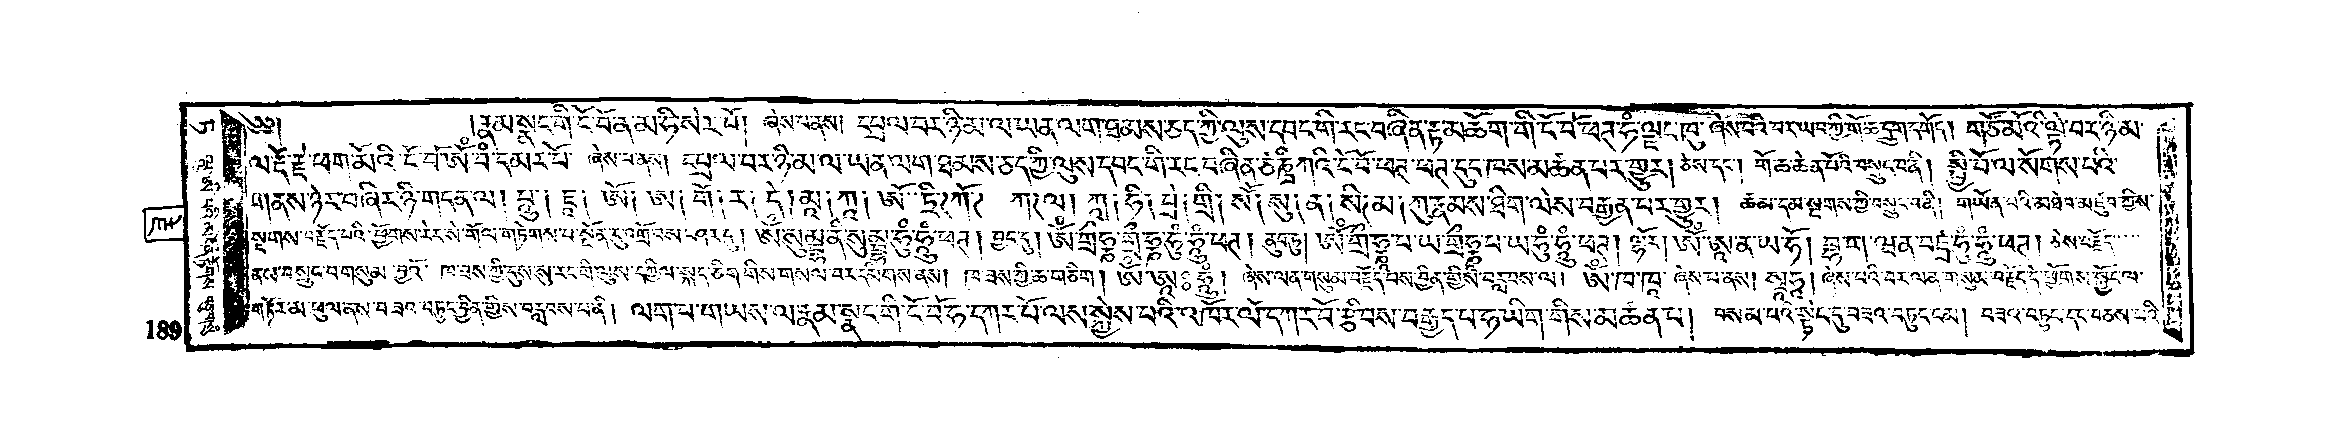༄༅། །རྣམ་སྣང་གི་ངོ་བོ་ན་མ་ཧི་སེར་པོ། ཞེས་པ་ནས།  དཔྲལ་བར་ཉི་མ་ལ་ཡན་ལག་ཐམས་ཅད་ཀྱི་ལུས་དབང་གི་རང་བཞིན་རྟ་མཆོག་གི་ངོ་བོ་ཕཊ་ཧཾ་ལྗང་ཁུ་ཞེས་པའི་བར་ཡབ་ཀྱི་གོ་ཆ་དྲུག་དགོད།  གཙོ་མོའི་ལྟེ་བར་ཉི་མ་
ལ་རྡོ་རྗེ་ཕག་མོའི་ངོ་བོ་ཨོཾ་བཾ་དམར་པོ་ཞེས་པ་ནས།  དཔྲལ་བར་ཉི་མ་ལ་ཡན་ལག་ཐམས་ཅད་ཀྱི་ལུས་དབང་གི་རང་བཞིན་ཙཎྜི་ཀའི་ངོ་བོ་ཕཊ་ཕཊ་དུད་ཁས་མཚན་པར་གྱུར། ཅེས་དང་། གོ་ཆ་ཆེན་པོའི་བསྲུང་བ་ནི།  སྤྱི་བོ་ལ་སོགས་པའི་
གནས་ཉེར་བཞིར་ཉི་གདན་ལ། པཱུ། ཇཱ། ཨོ། ཨ། གོ། ར། དེ། མཱ། ཀཱ། ཨོ་ཏྲི། ཀོ། ཀ། ལ། ཀཱ། ཧི། པྲེ། གྲི། སཽ། སུ། ན། སི། མ། ཀུ་རྣམས་ཐིག་ལེས་བརྒྱན་པར་གྱུར། ཚམ་དམ་སྔགས་ཀྱི་བསྲུང་བ་ནི། གཡོན་པའི་མཐེབ་མཛུབ་ཀྱིས་
སྔགས་བརྗོད་པའི་ཕྱོགས་རེར་སེ་གོལ་གཏེགས་པ་སྔོན་དུ་འགྲོ་བས་ཤར་དུ། ཨོཾ་སུམྦྷ་ནི་སུམྦྷ་ཧུཾ་ཧཱུཾ་ཕཊ། བྱང་དུ།  ཨོཾ་གྲྀཧྞ་གྲྀ་ཧྞ་ཧུཾ་ཧཱུཾ་ཕཊ། ནུབ་ཏུ།  ཨོཾ་གྲྀ་ཧྞཱ་པ་ཡ་གྲྀ་ཧྞཱ་པ་ཡ་ཧུཾ་ཧཱུཾ་ཕཊ། ལྷོར།  ཨོཾ་ཨཱ་ན་ཡ་ཧོ། བྷ་ག་ཝ་ན་བཛྲ་ཧུཾ་ཧཱུཾ་ཕཊ། ཅེས་བརྗོད་
ནས་བསྲུང་བ་གསུམ་བྱའོ་ཁ་ཟས་ཀྱི་དུས་སུ་རང་གི་ལུས་དཀྱིལ་སྐད་ཅིག་གིས་གསལ་བར་དམིགས་ནས། ཁ་ཟས་ཀྱི་ཆ་གཅིག། ཨོཾ་ཨཱཿ ཧཱུཾ། ཞེས་ལན་གསུམ་བརྗོད་པས་བྱིན་གྱིས་བརླབས་ལ།  ཨོཾ་ཁ་ཁཱ་ཞེས་པ་ནས།  སྭཱཧཱ། ཞེས་པའི་བར་ལན་གསུམ་བརྗོད་དེ་ཕྱོགས་སྐྱོང་ལ་
གཏོར་མ་ཕུལ་ནས་བཟའ་བཏུང་བྱིན་གྱིས་བརླབས་པ་ནི། ལག་པ་གཡས་ལ་རྣམ་སྣང་གི་ངོ་བོ་ཧ་དཀར་པོ་ལས་སྐྱེས་པའི་འཁོར་ལོ་དཀར་པོ་རྩིབས་བརྒྱད་པ་ཧ་ཡིག་གིས་མཚན་པ། བསམ་པའི་སྟེང་དུ་བཟའ་བཏུང་ངམ། བཟའ་བཏུང་དང་བཅས་པའི་